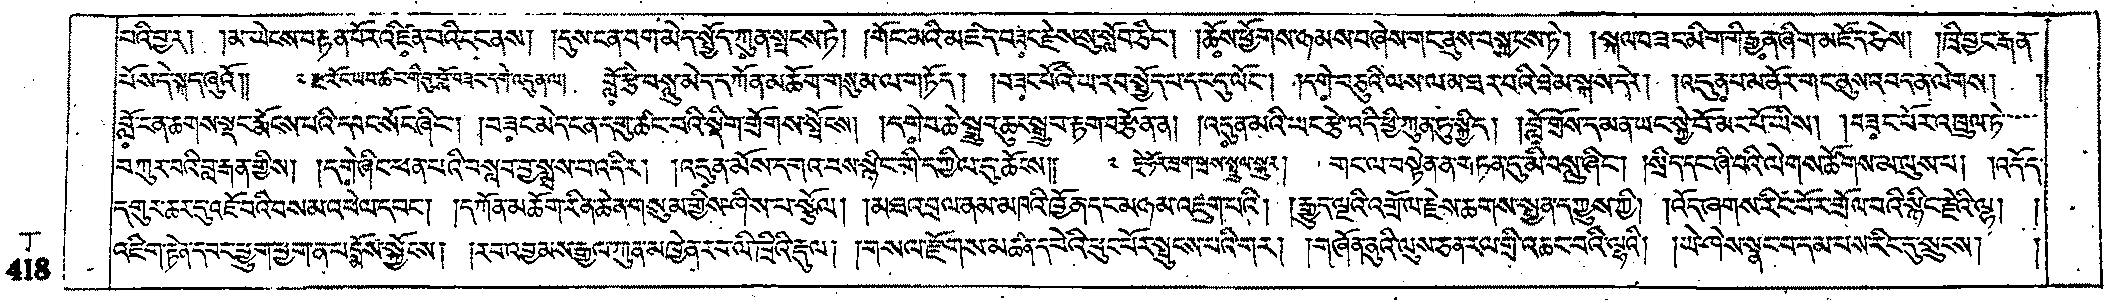པའི་བྱ་ར། །མ་ཡེངས་བརྟན་པོར་འཛིན྾་པའི་ངང་ནས། །དུས་ངན་བག་མེད་སྤྱོད་ཀུན྾་སྤངས་ཏེ། །གོང་མའི་མཛད་བཟང྾་རྗེས་སུ་སློབ་ཅིང་། །ཆོས྾་ཕྱོགས་ཉམས་བཞེས་གང་ནུས་བསྐྱངས་ཏེ། །སྐལ་བཟང་མིག་གི་རྒྱན྾་ཞིག་མཛོད་ཅེས། །ཁྲི་བྱང་རྒན་་་
པོས་དེ་སྐད་ཞུའོ།། ༧རྫ་རོང་ཡབ་ཚང་གི་བུ་བློ་བཟང་དགེ་འདུན་ལ།  བློ྾་རྩེ་བསླུ་མེད་དཀོན་མཆོག་གསུམ་ལ་གཏོད། །བཟང྾་པོའི་ཡ་རབ་སྤྱོད་པ་དང་དུ་ལོང་། །དགེ྾་བཅུའི་ལས་ལམ་ཐར་བའི་ཐེམ་སྐས་དེར། །འདུན྾་པ་མ་ནོར་གང་ནུས་འབད་ན་ལེགས། །བློ྾་ངན་ཆགས་སྡང་རྨོངས་པའི་དབང་སོང་ཞིང་། །བཟང྾་མེད་ངན་དགུ་ཚང་བའི་སྡིག་གྲོགས་སྤོངས། །དགེ྾་བ་ཆེ་སྒྲུབ་ཆུང་སྒྲུབ་རྟག་བརྩོན་ན། །འདུན྾་མའི་ཡང་རྩེ་འདི་ཕྱི་ཀུན་ཏུ་སྐྱིད། །བློ྾་གྲོས་དམན་ཡང་སྐྱེ་བོ་མང་པོ་ཡིས། །བཟང྾་པོར་འཁྲུལ་ཏེ་་་
བཀུར་བའི་བླ་རྒན་གྱིས། །དགེ྾་ཞིང་ཕན་པའི་བསླབ་བྱ་སྨྲས་པ་འདིར། །འདུན྾་མོས་དགའ་བས་སྙིང་གི་དཀྱིལ་དུ་ཆོངས།། ༧་ཏྲེ་ཧོར་བྲག་སྲས་སྤྲུལ་སྐུར།  གང་ལ་བསྟེན་ན་གཏན་དུ་མི་བསླུ་ཞིང་། །སྲིད་དང་ཞི་བའི་ལེགས་ཚོགས་མ་ལུས་པ། །འདོད་
དགུར་ཆར་དུ་འཇོ་བའི་བསམ་འཕེལ་དབང་། །དཀོན་མཆོག་རིན་ཆེན་གསུམ་གྱིས་ཤིས་པ་སྩོལ། །མཐའ་བྲལ་ནམ་མཁའི་ཁྱོན་དང་མཉམ་འཇུག་པའི། །རྒྱུད་ལྔའི་འགྲོ་ལ་རྗེས་ཆགས་སྤྱན་དཀྱུས་ཀྱི། །འོད་ཞགས་རིང་པོར་གྲོལ་བའི་སྙིང་རྗེའི་ལྷ། །
འཇིག་རྟེན་དབང་ཕྱུག་ཕྱག་ན་པདམོས་སྐྱོངས། །རབ་འབྱམས་རྒྱལ་ཀུན་མཁྱེན་རབ་ལི་ཁྲིའི་རྡུལ། །གསལ་རྫོགས་མཚན་དཔེའི་ཕུང་པོར་སྤུངས་པའི་གར། །གཞོན་ནུའི་ལུས་ཅན་རལ་གྲི་འཆང་བའི་ལྷའི། །ཡེ་ཤེས་སྣང་བ་དམ་པས་རིང་དུ་སྲུངས། །